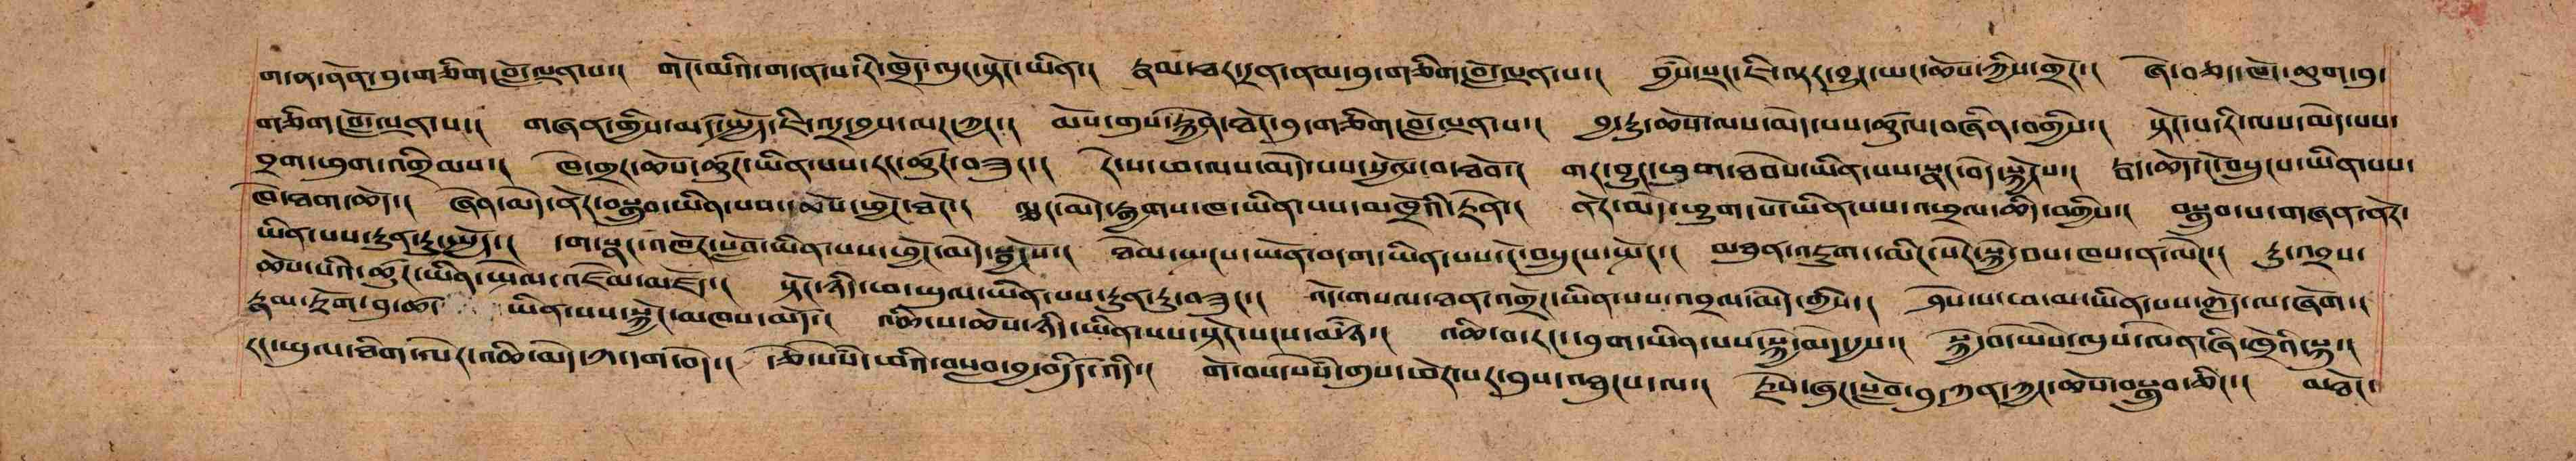གདན་ནོན་བུ་གཅིག་བློ་ལྡན་པ། གོང་མའི་གདན་ས་རི་ཁྲོད་ལུང་སྟོང་ཡིན། རྣམ་ཐར་དྲན་ནམ་བུ་གཅིག་བློ་ལྡན་པ། བྱམས་སྡང་ཇི་ལྟར་བྱུང་ཡང་ཆོས་ཀྱིས་གྲོགས། ཞེ་བཅད་ཁོང་ཆུག་བུ་
གཅིག་བློ་ལྡན་པ། གཞན་གྱིས་མཛད་སྤྱོད་ཇི་འདྲ་བྱས་ལགས་ཀྱང་། མོས་གུས་རྐྱེན་ཐོང་བུ་གཅིག་བློ་ལྡན་པ། བྱ་རྒྱུ་ཆོས་ལས་མེད་པས་ཚུལ་བཞིན་བགྱིས། སྟོང་པ་རི་ལས་མེད་པས་
བྲག་ཕུག་འགྲིམས། ཁེ་གྲགས་ཆོས་ཚུགས་ཡིན་པས་རང་ཚུར་བཟུང་། རེ་ས་ཕ་ལས་མེད་པས་གསོལ་བ་ཐོབ། གར་བྱུང་ཕུག་ཐེབས་ཡིན་པས་སྣང་བདེ་སྐྱོངས། རྦད་ཆོད་ངོ་བསྲུངས་ཡིན་པས་
ཁོ་ཐག་ཆོད། ཞེན་མེད་ནོར་བསྒྲུབ་ཡིན་པས་ཆོས་ཕྱོགས་ཐོང་། ལྕང་མེད་རྒྱགས་ཁ་ཡིན་པས་མཁའ་འགྲོའི་རྟེན། ནོར་མེད་ཕྱུག་པོ་ཡིན་པས་འཕྲལ་ཆིད་བགྱིས། བསྒྲུབ་པ་གཞན་ནོར་
ཡིན་པས་རྒྱུན་དུ་སྤྱོད། དག་སྣང་འཁོར་སློབ་ཡིན་པས་ཕྱོགས་མེད་སྦྱོངས། ཐེམས་སྤངས་ཡོན་བདག་ཡིན་པས་ངོ་བསྲུངས་སྤོང་། མཐུན་འཇུག་ལིང་སེར་སྐྱོ་བས་ཁས་ན་ལེགས། རྒྱུ་འབྲས་
ཆོས་པའི་ཚུགས་ཡིན་སྤེལ་འཛེམ་མཛོད། སྟོང་ཉིད་ཕ་ཡུལ་ཡིན་པས་རྒྱུན་དུ་བཟུང་། འོད་གསལ་ཐན་འགྲོགས་ཡིན་པས་འབྲལ་མེད་ཀྱིས། ཤེས་པ་ཕ་མ་ཡིན་པས་གློད་ལ་ཞོག། 
རྣམ་རྟོག་བུ་ཚ་ཡིན་པས་སྐྱོང་མཁས་མཛོད། འཆི་ས་ཆོས་ཉིད་ཡིན་པས་སྟོང་སངས་མཉམ། འཆི་བ་རང་ཕུག་ཡིན་པས་སྐྱེ་མེད་རྒྱས། སྐྱོ་བ་ཡེ་ཤེས་ལུས་ལེན་ཞི་ཁྲོའི་སྐུ། 
རང་ཡུལ་ཐིག་ལེར་འཆེ་མེད་ཀ་དག་བདེ། རྩེ་སེམས་ཕའི་བསླབ་བྱ་བདུད་རྩི་འདི། གོ་བས་སེམས་གུས་ཕོར་པར་བུས་འཐུངས་ལ། རྗེས་ཞུགས་སློབ་བུ་ཀུན་ཀྱང་ཆོས་བསྒྲུབ་ཅིང་། མཐོང་